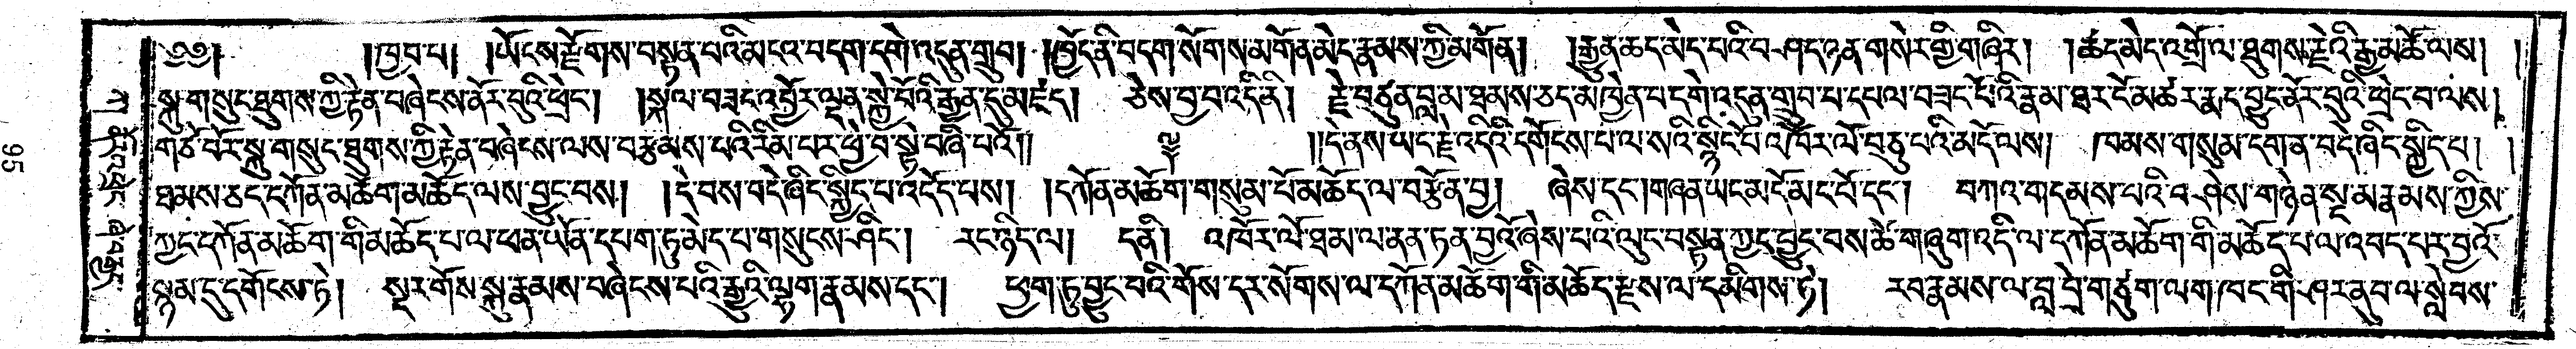༄༅། །ཁྱབ་པ། །ཡོངས་རྫོགས་བསྟན་པའི་མངའ་བདག་དགེ་འདུན་གྲུབ། །ཁྱོད་ནི་བདག་སོགས་མགོན་མེད་རྣམས་ཀྱི་མགོན། །རྒྱུན་ཆད་མེད་པའི་བཤད་ཉན་གསེར་གྱི་གཞིར། །ཚད་མེད་འགྲོ་ལ་ཐུགས་རྗེའི་རྒྱ་མཚོ་ལས། །
སྐུ་གསུང་ཐུགས་ཀྱི་རྟེན་བཞེངས་ནོར་བུའི་ཕྲེང་། །སྐལ་བཟང་འབྱོར་ལྡན་སྐྱེ་བོའི་རྒྱན་དུ་མཛད། ཅེས་བྱ་བ་འདི་ནི། རྗེ་བཙུན་བླ་མ་ཐམས་ཅད་མཁྱེན་པ་དགེ་འདུན་གྲུབ་པ་དཔལ་བཟང་པོའི་རྣམ་ཐར་ངོ་མཚར་རྨད་བྱུང་ནོར་བུའི་ཕྲེང་བ་ལས།
གཙོ་བོར་སྐུ་གསུང་ཐུགས་ཀྱི་རྟེན་བཞེངས་ལས་བརྩམས་པའི་རིམ་པར་ཕྱེ་བ་སྟེ་བཞི་པའོ།། ༈ །།དེ་ནས་ཡང་རྗེ་འདིའི་དགོངས་པ་ལ་སའི་སྙིང་པོ་འཁོར་ལོ་བཅུ་པའི་མདོ་ལས། ཁམས་གསུམ་དག་ན་བདེ་ཞིང་སྐྱིད་པ། །
ཐམས་ཅད་དཀོན་མཆོག་མཆོད་ལས་བྱུང་བས། །དེ་བས་བདེ་ཞིང་སྐྱིད་པ་འདོད་པས། །དཀོན་མཆོག་གསུམ་པོ་མཆོད་ལ་བརྩོན་བྱ། ཞེས་དང་། གཞན་ཡང་མདོ་མང་པོ་དང་། བཀའ་གདམས་པའི་བཤེས་གཉེན་སྔ་མ་རྣམས་ཀྱིས་
ཀྱང་དཀོན་མཆོག་གི་མཆོད་པ་ལ་ཕན་ཡོན་དཔག་ཏུ་མེད་པ་གསུངས་ཤིང་། རང་ཉིད་ལ། ད་ནི། འཁོར་ལོ་ཐམ་ལ་ནན་ཏན་བྱའོ་ཞེས་པའི་ལུང་བསྟན་ཀྱང་བྱུང་བས་ཚེ་གཞུག་འདི་ལ་དཀོན་མཆོག་གི་མཆོད་པ་ལ་འབད་པར་བྱའོ་
སྙམ་དུ་དགོངས་ཏེ། སྔར་གོས་སྐུ་རྣམས་བཞེངས་པའི་རྒྱུའི་ལྷག་རྣམས་དང་། ཕྱག་ཏུ་བྱུང་བའི་གོས་དར་སོགས་ལ་དཀོན་མཆོག་གི་མཆོད་རྫས་ལ་དམིགས་ཏེ། རབ་རྣམས་ལ་བླ་བྲེ་གཙུག་ལག་ཁང་གི་ཤར་ནུབ་ལ་སླེབས་